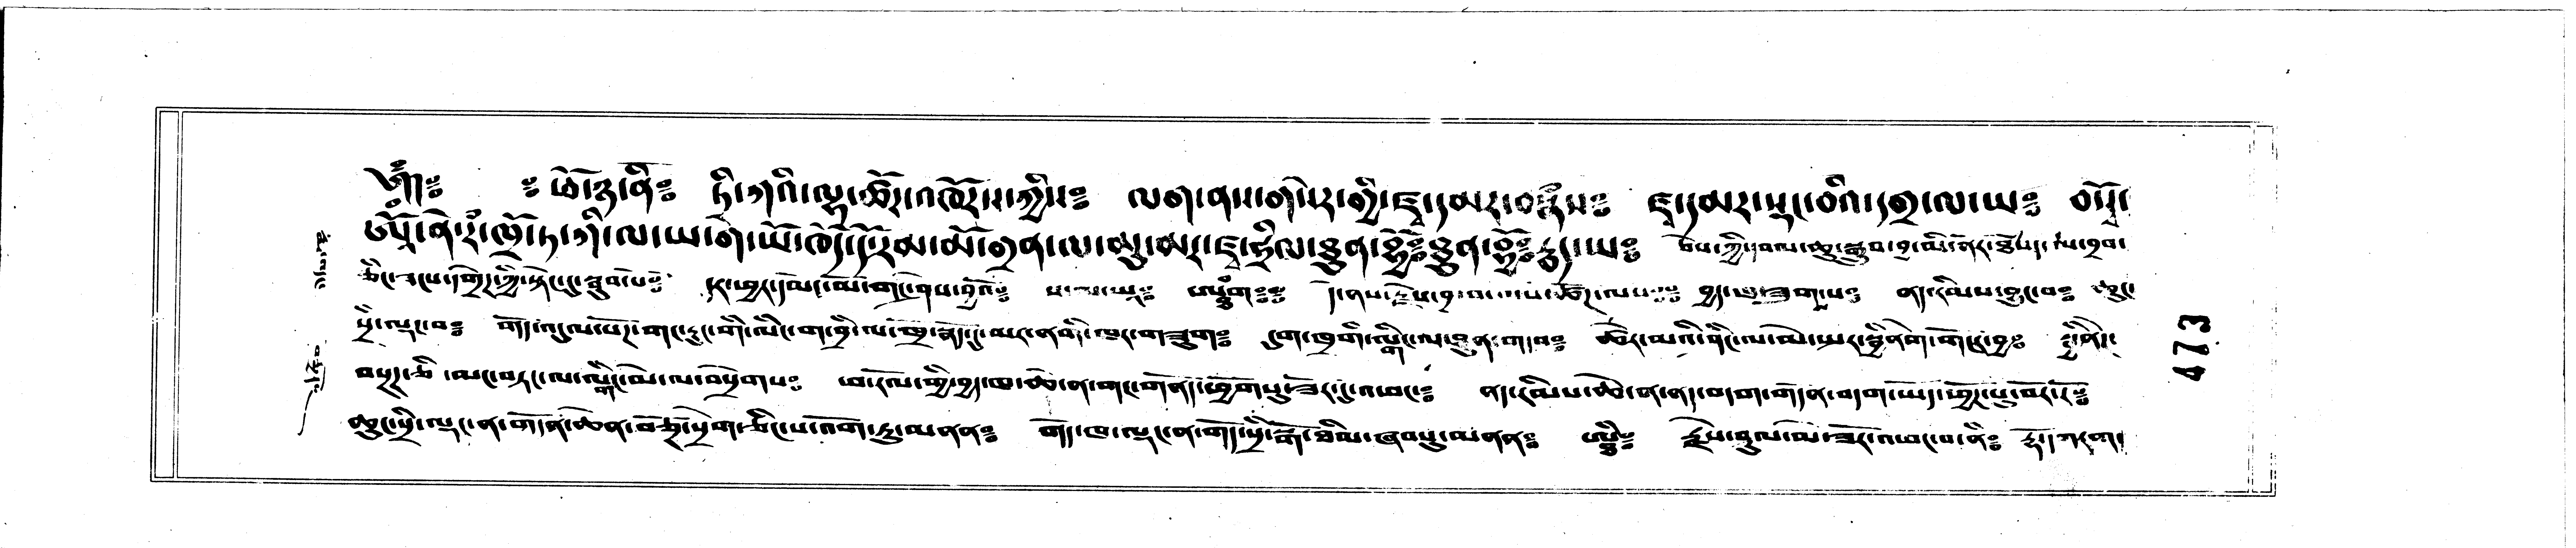༔ཕོ་ཉ་ནི༔ ཏི་ཀའི་ལྷ་ཚོགས་འཁོར་བཅས་ཀྱིས༔ལག་ནས་གསེར་གྱི་ཛྭ་དམར་བསྣམས༔ཛྭ་དམར་སྡང་བའི་དགྲ་ལ་ཡ༔བསྭོ་
ཨཱོཾ་ནེ་རཾ་ཁྲོ་ཏ་ཀི་ལ་ཡ་གེ་ཡོ་ཁོད་དོ་རམ་མོ་གྲན་ལ་མུ་མར་ཛྭ་ཧྲིལ་ཐུན་བྷྱོ༔ཐུན་བྷྱོ༔རྦད་ཡ༔ཅེས་ཀྱི་དབལ་ཆ་བསྒྲུབ་བྱ་མི་ནོར་ཐམས་ཅད་ལ་བྲབ་
ཅིང་ཟངས་དགྲེགས་ཀྱི་སྟེང་དུ་སྦུབ་བོ༔ དར་ཕྱར་དམོད་མོ་གང་ཤེས་བྱའོ༔ས་མ་ཡཱ༔ཨྠགཾ༔དེ་ནས་རྗེས་བྱ་བ་ལས་ཚོགས་ལས༔༔བྱད་ཁ་ཟུག་ས༔ནད་རིམས་བྱུང་བ༔ཆུང་
སྲི་ལྡང་བ༔གོད་འདུལ་སོགས་གང་རུང་གི་ལིང་ག་བྲི་ལ་ཁྲོ་སྣོད་དུ་མར་ན་གེ་ཁར་གཟུག༔དུག་ཁྲག་གི་ལིང་ག་ལ་ཐུན་གདབ༔ཚེར་མའི་ཤིང་ལ་མེ་སྤར་སྦྱིན་སྲེག་གོང་ལྟར་བྱ༔སྦྱིན་
སྲེགས་བསྔགས་ཅི་མང་བཏང་ལ་ལིང་ག་མེ་ལ་བསྲེགས༔ཕ་རོལ་གྱི་བྱད་ཁ་ཆེ་ན་གང་གནོད་ཕྱོགས་སུ་ཟོར་དུ་འཕང་༔ནད་རིམས་ཆེ་ན་ནད་བདག་གདོན་བདག་ཡོད་ཕྱོགས་སུ་བོར་རོ༔
ཆུང་སྲི་ལྡང་ན་གདོན་ཆེན་བཅོ་ལྔ་སྲེག་ཅིང་ས་འོག་ཏུ་མནན༔གོད་ཁ་ལྡང་ན་གོད་སྲི་སྒོ་ཐིམ་ཞབས་སུ་མནན༔ཨྠི༔རྗེས་ཤུལ་མེ་ཟོར་འཕང་བ་ནི༔རྡོ་དཀར་ནག་